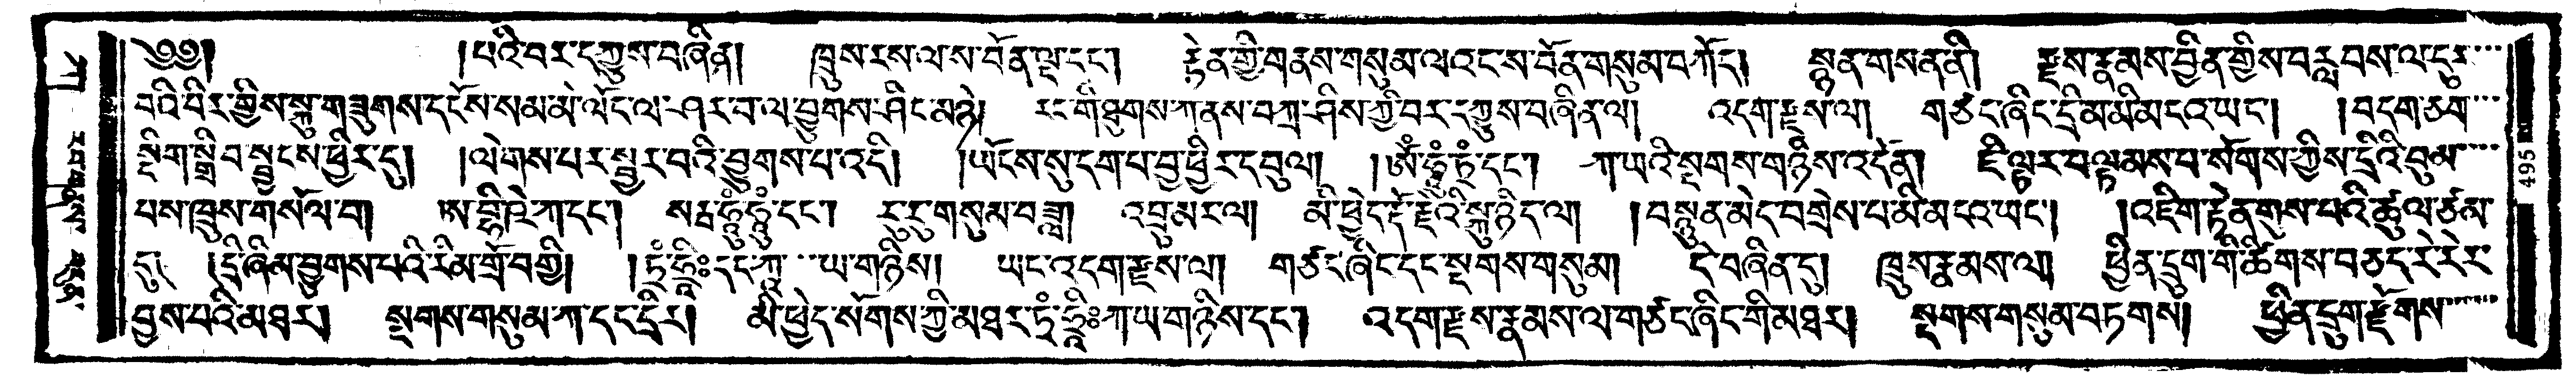༄༅། །བའི་བར་དཀྱུས་བཞིན། ཁྲུས་རས་ལས་བོན་ལྔ་དང་། རྟེན་གྱི་གནས་གསུམ་ལའང་ས་བོན་གསུམ་བཀོད། སྙན་གསན་ནི། རྫས་རྣམས་སྦྱིན་ཀྱིས་བརླབས་ལ་དུར་
བའི་བིར་གྱིས་སྐུ་གཟུགས་དངོས་སམ་མེ་ལོང་ལ་ཤར་བ་ལ་བྱུགས་ཤིང་མཉེ། རང་གི་ཐུགས་ཀ་ནས་བཀྲ་ཤིས་ཀྱི་བར་དཀྱུས་བཞིན་ལ། འདག་རྫས་ལ། གཙང་ཞིག་དྲིང་མ་མི་མངའ་ཡང་། །བདག་ཅག་
སྡིག་སྒྲིབ་སྦྱངས་ཕྱིར་དུ། །ལེགས་པར་སྦྱར་བའི་ཐུགས་པ་འདི། །ཡོངས་སུ་བདག་པ་ཕྱིར་དབུལ། །ཨོཾ་ཧཱུཾ་ཏྲཾ་དང་། ཀ་ཡའི་སྔགས་གཉིས་འདོན། ཇི་ལྟར་བ་ལྟམས་པ་སོགས་ཀྱིས་དྲེའི་བུམ་
པས་ཁྲུས་གསོལ་བ། ཨ་བྷི་ཥེ་ཀ་དང་། སརྦ་ཧཱུཾ་ཧཱུཾ་དང་། རུ་རུ་གསུམ་བཟླ། འབྲུ་མར་ལ། མི་ཕྱེད་རྡོ་རྗེའི་སྐུ་ཉིད་ལ། །བསྙུན་མེད་བགྲེས་པའི་མངའ་ཡང་། །འཇིག་རྟེན་གུས་པའི་ཚུལ་ཙམ་
དུ། །དྲི་ཞིམ་བྱུགས་པའི་རིམ་གྲོ་བགྱི། །ཏྲཾ་ཧའརཾཿ དང་ཀཱ་ཡ་གཉིས། ཡང་དག་རྫས་ལ། གཙང་ཞིང་དང་སྔགས་གསུམ། དེ་བཞིན་དུ། ཁྲུས་རྣམས་ལ། ཕྱིན་དྲུག་གི་ཚིགས་བཅད་རེ་རེར་
བྱས་པའི་མཐར། སྔགས་གསུམ་ཀ་དང་དྲིར། མི་ཕྱེད་སོགས་ཀྱི་མཐར་ཏྲཾ་?་ཀ་ལ་གཉིས་དང་། འདག་རྫས་རྣམས་ལ་གཙང་བཞིང་གི་མཐར། སྔགས་གསུམ་བཏགས། ཕྱིན་དུ་རྫོགས་